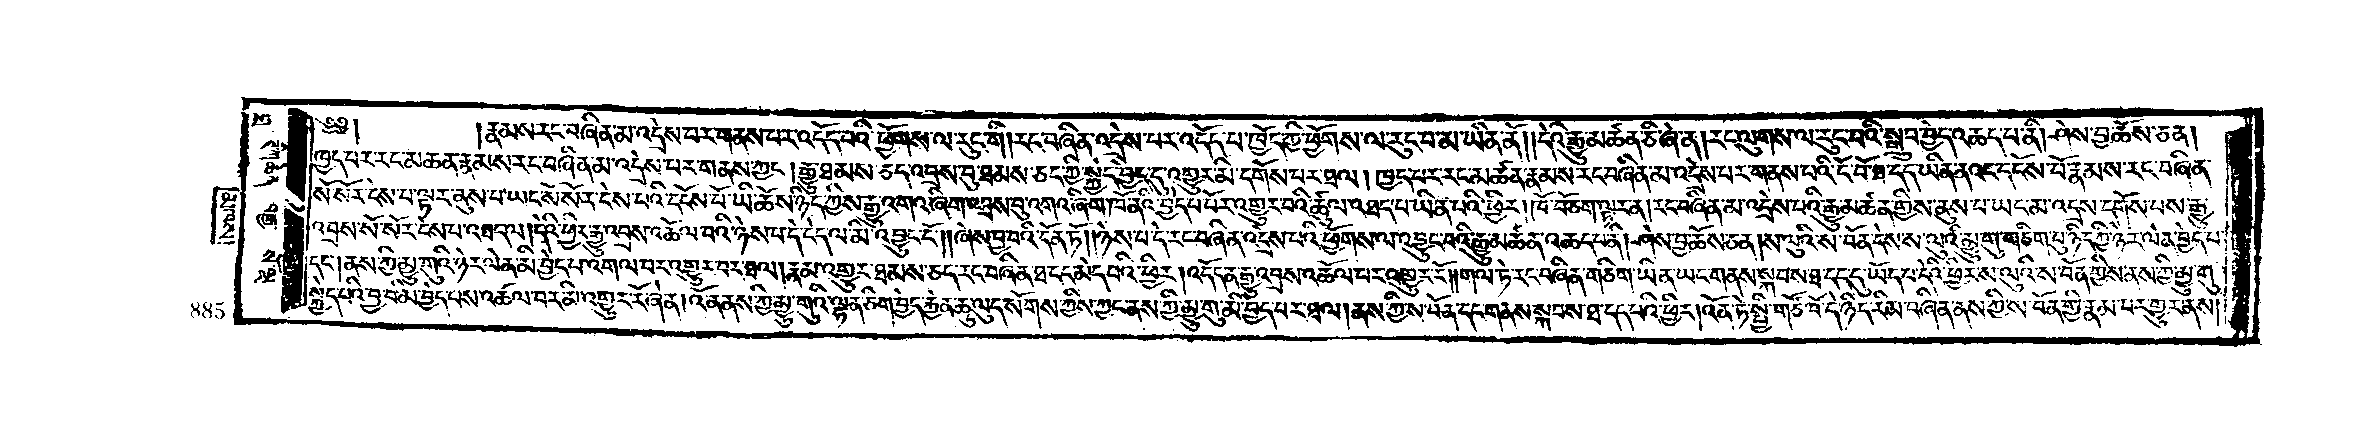༄༅་། །རྣམས་རང་བཞིན་མ་འདྲེས་པར་གནས་པར་འདོད་པའི་ཕྱོགས་ལ་རུང་གི། རང་བཞིན་འདྲེས་པར་འདོད་པ་ཁོད་ཀྱི་ཕྱོགས་ལ་རུང་བ་མ་ཡིན་ནོ། །དེའི་རྒྱུ་མཚན་ཅི་ཞེ་ན། རང་ལུགས་ལ་རུང་བའི་སྒྲུབ་བྱེད་འཆད་པ་ནི། ཤེས་བྱ་ཆོས་ཅན།
ཁྱད་པར་རང་མཚན་རྣམས་རང་བཞིན་མ་འདྲེས་པར་གནས་ཀྱང་། རྒྱུ་ཐམས་ཅད་འབྲས་བུ་ཐམས་ཅད་ཀྱི་སྐྱེད་བྱེད་དུ་འགྱུར་མི་དགོས་པར་ཐལ། ཁྱད་པར་རང་མཚན་རྣམས་རང་བཞིན་མ་འདྲེས་པར་གནས་པའི་ངོ་བོ་ཐ་དད་ཡིན་ནའང་དངོས་པོ་རྣམས་རང་བཞིན་
སོ་སོར་ངེས་པ་ལྟར་ནུས་པ་ཡང་སོ་སོར་ངེས་པའི་དངོས་པོ་ཡི་ཆོས་ཉིད་ཀྱིས་རྒྱུ་འགའ་ཞིག་འབྲས་བུ་འགའ་ཞིག་ཁོ་བའི་བྱེད་པ་པོར་འགྱུར་བའི་ཚུལ་འཐད་པ་ཡིན་པའི་ཕྱིར། ཁོ་ཅག་ལྟར་ན། རང་ཅྮིན་མ་འདྲེས་པའི་རྒྱུ་མཚན་གྱིས་ནུས་པ་ཡང་མ་འདྲེས་དགོས་པས་རྒྱུ་
འབྲས་སོ་སོར་ངེས་པ་འཐད་ལ། དེའི་ཕྱིར་རྒྱུ་འབྲས་འཆོལ་བའི་ཉེས་པ་དེ་ངེད་ལ་མི་འབྱུང་ངོ། །ཞེས་བྱ་བའི་དོན་ཏོ། །ཉེས་པ་དེ་རང་བཞིན་འདྲེས་པའི་ཕྱོགས་ལ་འབྱུང་བའི་རྒྱུ་མཚན་འཆད་པ་ནི། ཤེས་བྱ་ཆོས་ཅན། ས་ལུའི་ས་བོན་དེས་ས་ལུའི་ས་བོན་གྱིས་ནས་ཀྱི་མྱུ་གུ་
སྐྱེད་པའི་བྱ་བ་མི་བྱེད་པས་འཆོལ་བར་མི་འགྱུར་རོ་ཞེ་ན། འོ་ན་ནས་ཀྱི་མྱུ་གུའི་ལྷན་ཅིག་བྱེད་རྐྱེན་ཆུ་ལུད་སོགས་ཀྱིས་ཀྱང་ནས་ཀྱི་མྱུ་གུ་མི་བྱེད་པར་ཐལ། ནས་ཀྱི་ས་བོན་དང་གནས་སྐབས་ཐ་དད་པའི་ཕྱིར། འོན་ཏེ་སྤྱི་གཙོ་བོ་དེ་ཉིད་རིམ་བཞིན་ནས་ཀྱི་ས་བོན་གྱི་རྣམ་པར་གྱུར་ནས་